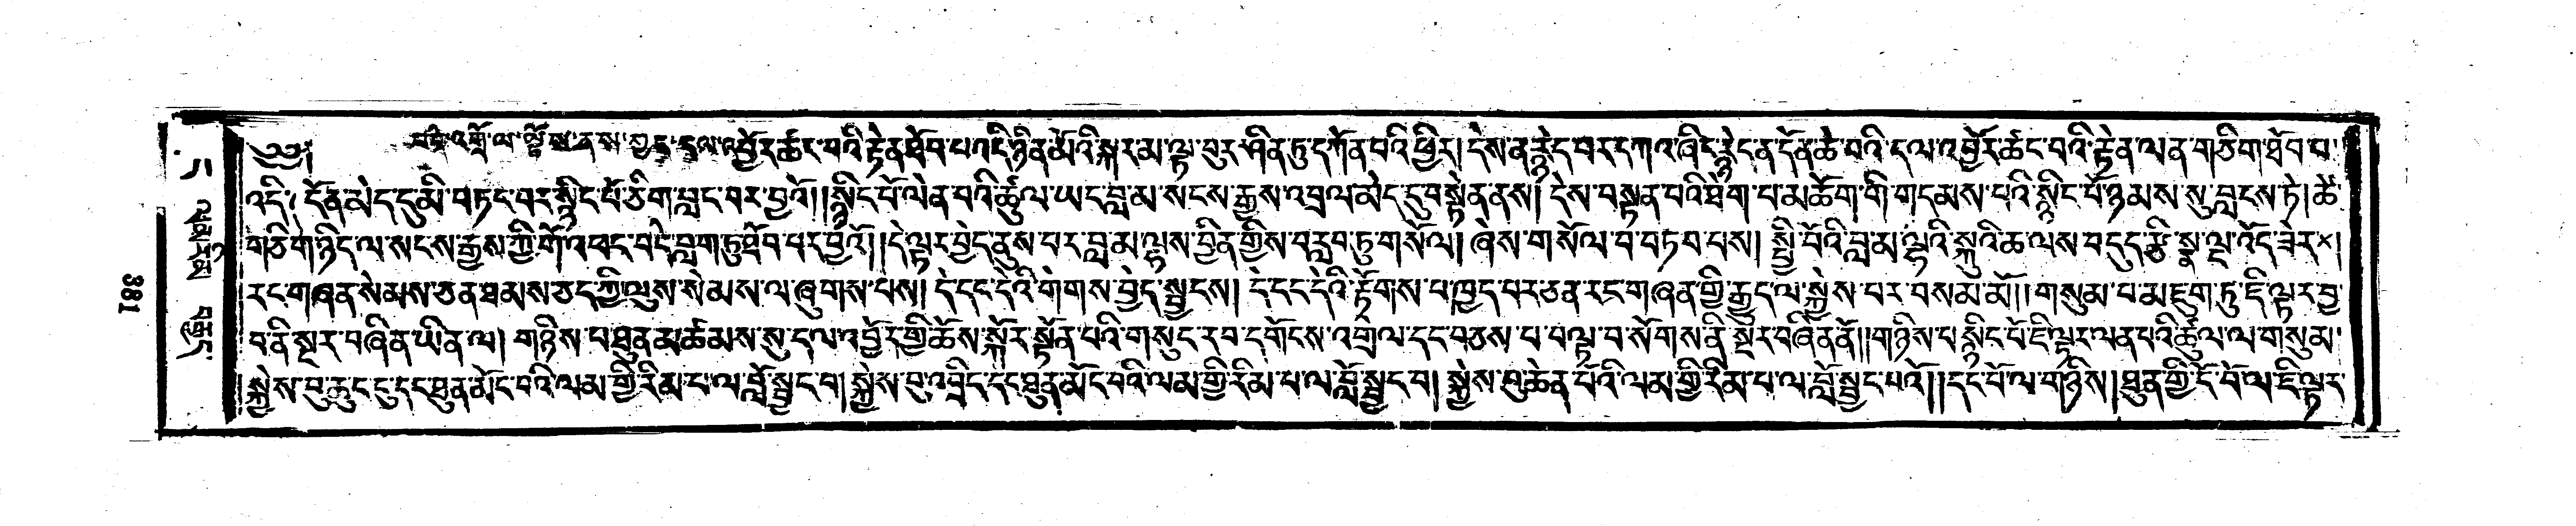༄༅། །བདེ་འགྲོ་ལ་ལྟོས་ནས་ཀྱང་དལ་འབྱོར་ཚང་བའི་རྟེན་ཐོབ་པ་འདི་ཉིན་མོའི་སྐར་མ་ལྟ་བུར་ཤིན་ཏུ་དཀོན་པའི་ཕྱིར། དེས་ན་རྙེད་པར་དཀའ་ཞིང་རྙེད་ན་དོན་ཆེ་བའི་དལ་འབྱོར་ཚང་བའི་རྟེན་ལན་གཅིག་ཐོབ་པ་
འདི། དོན་མེད་དུ་མི་བཏང་བར་སྙིང་པོ་ཅིག་བླང་བར་བྱའོ། །སྙིང་པོ་ལེན་པའི་ཚུལ་ཡང་བླ་མ་སངས་རྒྱས་འབྲལ་མེད་དུ་བསྟེན་ནས། དེས་བསྟན་པའི་ཐེག་པ་མཆོག་གི་གདམས་པའི་སྙིང་པོ་ཉམས་སུ་བླངས་ཏེ། ཚེ་
གཅིག་ཉིད་ལ་སངས་རྒྱས་ཀྱི་གོ་འཕང་བདེ་བླག་ཏུ་ཐོབ་པར་བྱའོ། །དེ་ལྟར་བྱེད་ནུས་པར་བླ་མ་ལྷས་བྱིན་གྱིས་བརླབ་ཏུ་གསོལ། ཞེས་གསོལ་བ་བཏབ་པས། སྤྱི་བོའི་བླ་མ་ལྷའི་སྐུའི་ཆ་ལས་བདུད་རྩི་སྣ་ལྔ་འོད་ཟེར་
རང་གཞན་སེམས་ཅན་ཐམས་ཅད་ཀྱི་ལུས་སེམས་ལ་ཞུགས་པས། དེ་དང་དེའི་གེགས་བྱེད་སྦྱངས། དེ་དང་དེའི་རྟོགས་པ་ཁྱད་པར་ཅན་རང་གཞན་གྱི་རྒྱུད་ལ་སྐྱེས་པར་བསམ་མོ། །གསུམ་པ་མཇུག་ཏུ་ཇི་ལྟར་བྱ་
བ་ནི་སྔར་བཞིན་ཡིན་ལ། གཉིས་པ་ཐུན་མཚམས་སུ་དལ་འབྱོར་གྱི་ཆོས་སྐོར་སྟོན་པའི་གསུང་རབ་དགོངས་འགྲེལ་དང་བཅས་པ་བལྟ་བ་སོགས་ནི་སྔར་བཞིན་ནོ། །གཉིས་པ་སྙིང་པོ་ཇི་ལྟར་ལེན་པའི་ཚུལ་ལ་གསུམ།
སྐྱེས་བུ་ཆུང་ངུ་དང་ཐུན་མོང་བའི་ལམ་གྱི་རིམ་པ་ལ་བློ་སྦྱང་བ། སྐྱེས་བུ་འབྲིང་དང་ཐུན་མོང་བའི་ལམ་གྱི་རིམ་པ་ལ་བློ་སྦྱང་བ། སྐྱེས་བུ་ཆེན་པོའི་ལམ་གྱི་རིམ་པ་ལ་བློ་སྦྱང་བའོ། །དང་པོ་ལ་གཉིས། ཐུན་གྱི་ངོ་བོ་ལ་ཇི་ལྟར་